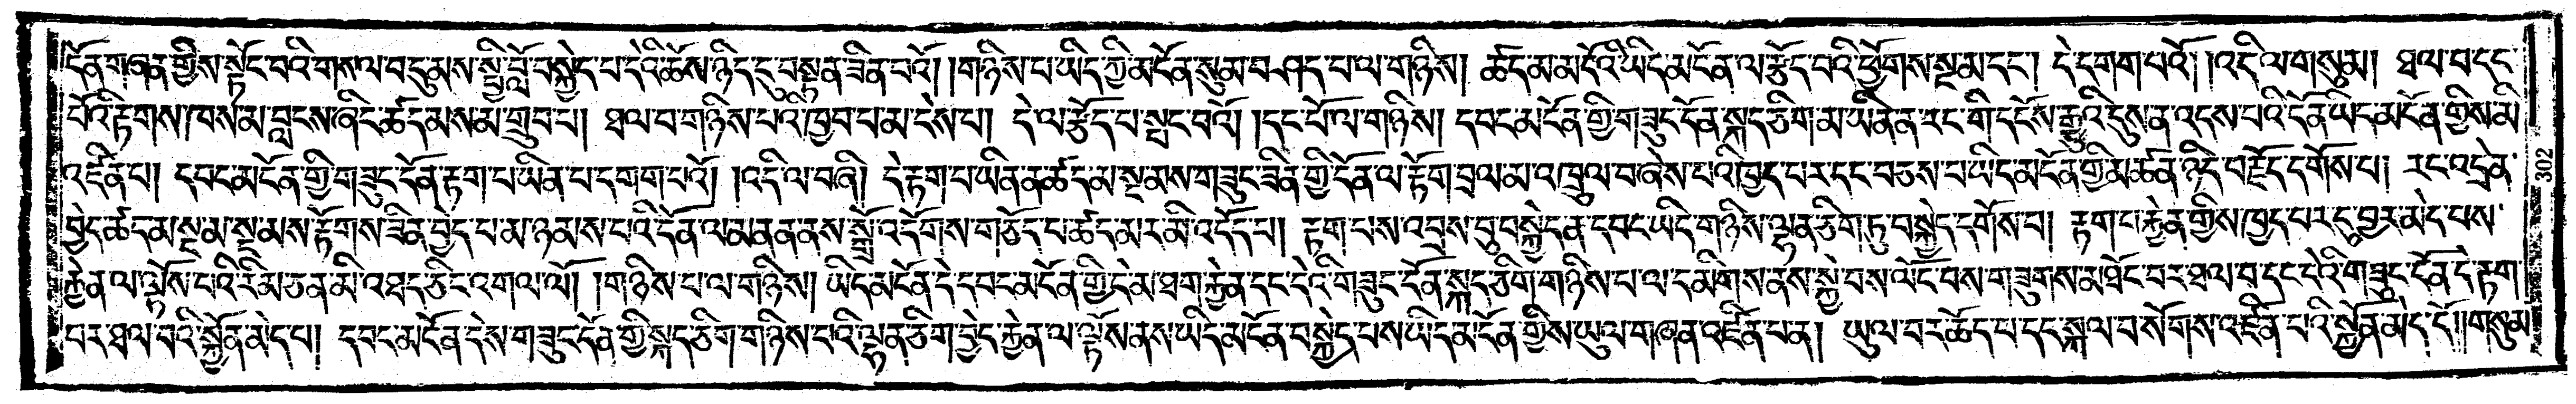དོན་གཞན་གྱིས་སྟོང་པའི་གསལ་བ་དུ་མས་སྤྱི་བློ་བསྐྱེད་པ་དེའི་ཆོས་ཉིད་དུ་བསྟན་ཟིན་པའོ། །གཉིས་པ་ཡིད་ཀྱི་མངོན་སུམ་བཤད་པ་ལ་གཉིས། ཚད་མ་མདོའི་ཡིད་མངོན་ལ་རྩོད་པའི་ཕྱོགས་སྔ་མ་དང་། དེ་དགག་པའོ། །འདི་ལ་གསུམ། ཐལ་བ་དང་
པོའི་རྟགས་ཁས་མ་བླངས་ཞིང་ཚད་མས་མ་གྲུབ་པ། ཐལ་བ་གཉིས་པའི་ཁྱབ་པ་མ་ངེས་པ། དེ་ལ་རྩོད་པ་སྤང་བའོ། །དང་པོ་ལ་གཉིས། དབང་མངོན་གྱི་གཟུང་དོན་སྐད་ཅིག་མ་ཡིན་ན་རང་གི་དངོས་རྒྱུའི་དུས་ན་འདས་པའི་དོན་ཡིད་མངོན་གྱིས་མི་
འཛིན་པ། དབང་མངོན་གྱི་གཟུང་དོན་རྟག་པ་ཡིན་པ་དགག་པའོ། །འདི་ལ་བཞི། དེ་རྟག་པ་ཡིན་ན་ཚད་མ་སྔ་མས་གཟུང་ཟིན་གྱི་དོན་ལ་རྟོག་བྲལ་མ་འཁྲུལ་བ་ཞེས་པའི་ཁྱད་པར་དང་བཅས་པ་ཡིད་མངོན་གྱི་མཚན་ཉིད་བརྗོད་དགོས་པ། རང་འདྲེན་
བྱེད་ཚད་མ་སྔ་མ་སྔ་མས་རྟོགས་ཟིན་བྱེད་པ་མ་ཉམས་པའི་དོན་ལ་མནན་ནས་སྒྲོ་འདོགས་གཅོད་པ་ཚད་མར་མི་འདོད་པ། རྟག་པས་འབྲས་བུ་བསྐྱེད་ན་དབང་ཡིད་གཉིས་ལྷན་ཅིག་ཏུ་བསྐྱེད་དགོས་པ། རྟག་པ་རྐྱེན་གྱིས་ཁྱད་པར་དུ་བྱར་མེད་པས་
རྐྱེན་ལ་ལྟོས་པའི་རིམ་ཅན་མི་འཐད་ཅིང་འགལ་ལོ། །གཉིས་པ་ལ་གཉིས། ཡིད་མངོན་དེ་དབང་མངོན་གྱི་དེ་མ་ཐག་རྐྱེན་དང་དེའི་གཟུང་དོན་སྐད་ཅིག་གཉིས་པ་ལ་དམིགས་ནས་སྐྱེ་བས་ལོང་བས་གཟུགས་མཐོང་བར་ཐལ་བ་དང་དེའི་གཟུང་དོན་དེ་རྟག་
པར་ཐལ་བའི་སྐྱོན་མེད་པ། དབང་མངོན་དེས་གཟུང་དོན་གྱི་སྐད་ཅིག་གཉིས་པའི་ལྷན་ཅིག་བྱེད་རྐྱེན་ལ་ལྟོས་ནས་ཡིད་མངོན་བསྐྱེད་པས་ཡིད་མངོན་གྱིས་ཡུལ་གཞན་འཛིན་པ་ན། ཡུལ་བར་ཆོད་པ་དང་སྐལ་པ་སོགས་འཛིན་པའི་སྐྱོན་མེད་དོ། །གསུམ་